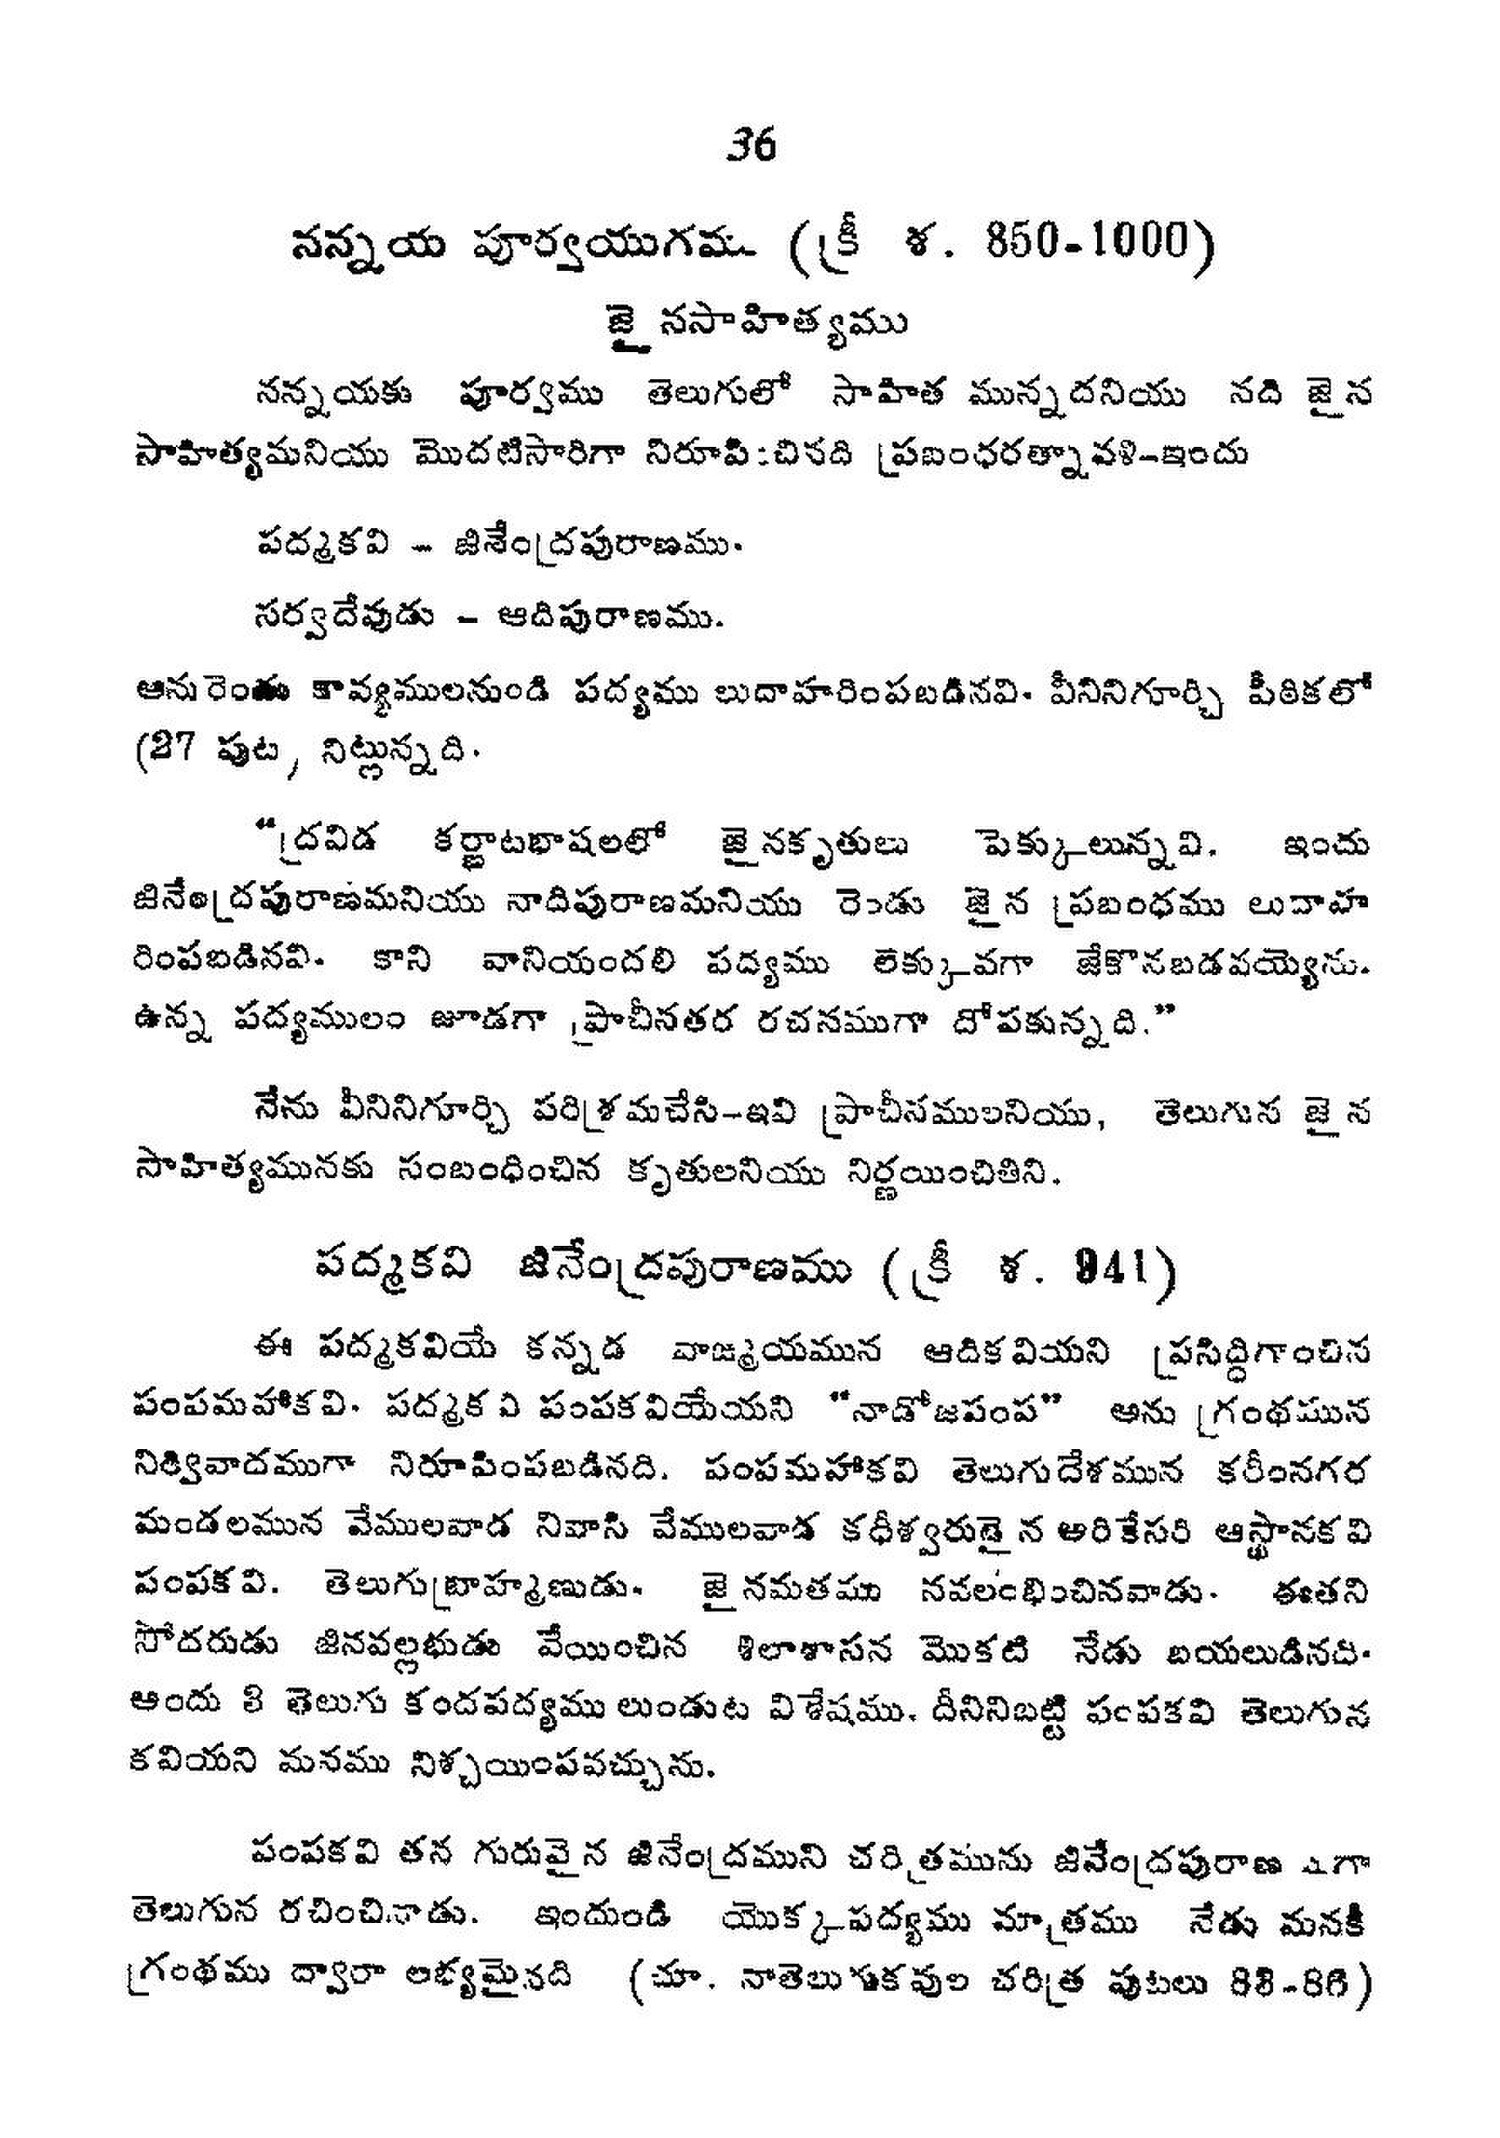ఇంచు

నన్నయకు పూర్వము తెలుగులో సాహిత్య మున్నదనియు నది జైన
సాహిత్యమనియు మొదటిసారిగా నిరూపి:చినది ప్రబంధరత్నావళి-ఇందు

పద్మకవి జినేంద్రపురాణము.
సర్వదేవుడు - ఆదిపురాణము.

ఆను రెండు కావ్యములనుండి పద్యములుదాహరింపబడినవి. వీనినిగూర్చి పీఠికలో
(27 పుట, నిట్లున్నది.

“ద్రవిడ కర్ణాటభాషలలో జైనకృతులు పెక్కులున్నవి.
జినేంద్రపురాణమనియు నాదిపురాణమనియు రెండు జైన ప్రబంధము లుదాహ
రింపబడినవి. కాని వానియందలి పద్యము లేక్కువగా జేకొనబడవయ్యెను.
ఉన్న పద్యములం జూడగా ప్రాచీనతర రచనముగా దోపకున్నది."
నేను వీనినిగూర్చి పరిశ్రమచేసి-ఇవి ప్రాచీనములనియు, తేలుగున జైన
సాహిత్యమునకు సంబంధించిన కృతులనియు నిర్ణయించితిని.

ఈ పద్మకవియే కన్నడ వాజ్మయమున ఆదికవియని ప్రసిద్ధిగాంచిన
పంపమహాకవి. పద్మక ఏ పంపకవియేయని “నాడోజపంప" అను గ్రంథమున
నిర్వివాదముగా నిరూపింపబడినది. పంపమహాకవి తెలుగుదేశమున కరీంనగర
మండలమున వేములవాడ నివాసి వేములవాడ కధీశ్వరుడైన అరికేసరి ఆస్థానకవి
పంపకవి. తెలుగు బ్రాహ్మణుడు, జైనమతము నవలంభించినవాడు.
సోదరుడు జినవల్లభుడు వేయించిన శిలాశాసన మొకటి నేడు బయలుడినది.
అందు 3 తెలుగు కందపద్యము లుండుట విశేషము. దీనినిబట్టి పంపకవి తెలుగున
కవియని మనము నిశ్చయింపవచ్చును.

పంపకవి తన గురువైన జినేంద్రముని చరిత్రమును జినేంద్రపురాణము గా
తెలుగున రచించినాడు. ఇందుండి యొక్క పద్యము మాత్రము నేడు మనకి
గ్రంథము ద్వారా లభ్యమైనది (చూ. నాతెలుగుకవుల చరిత్ర పుటలు 83-86)